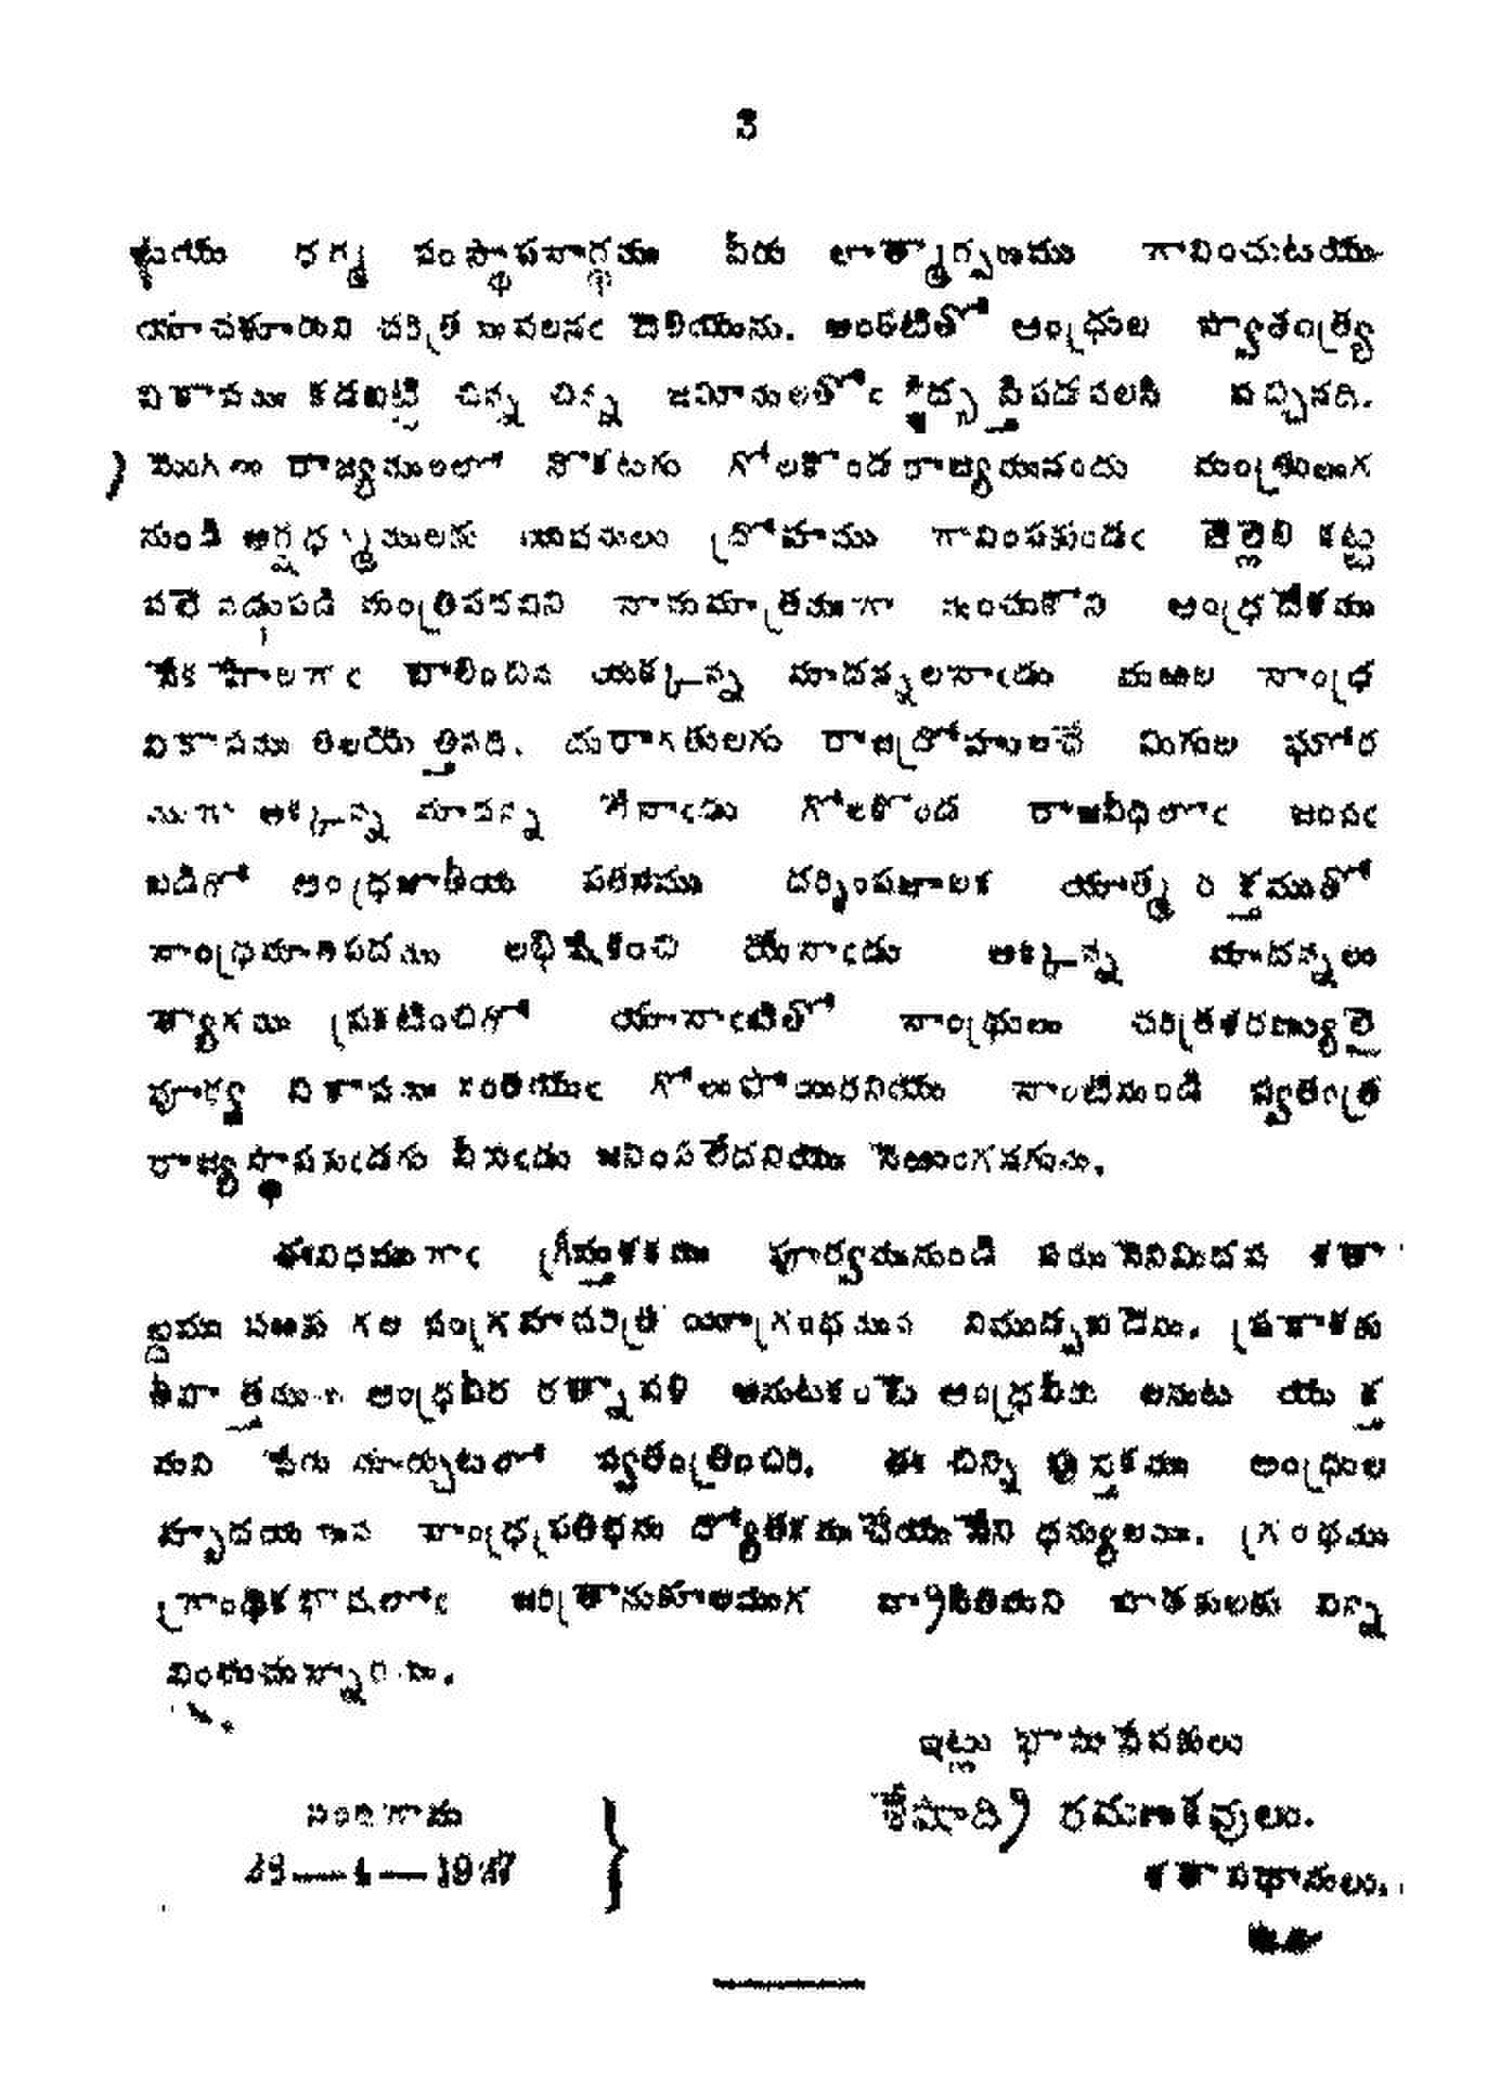టయు ధర్మ సంస్థాపనార్థము వీరు లాత్మార్పణము గావించుటయు యాచశూరుని చరిత్రమువలన దెలియును. అంతటితో ఆంధ్రుల స్వాతంత్ర్య వికాసము కడబట్టి చిన్న చిన్న జమీనులతో దృప్తిపడవలసి వచ్చినది. మొగలు రాజ్యములలో నొకటగు గోలకొండ రాజ్యమునందు మంత్రులుగ నుండి ఆర్షధర్మములను యవనులు ద్రోహము గావింపకుండ జెల్లెలి కట్టవలె నడుపడి మంత్రిపదవిని నామమాత్రముగా నుంచుకొని ఆంధ్రదేశము నేక హేలగా బాలించిన యక్కన్న మాదన్నలనాడు మఱల నాంధ్ర వికాసము తలయెత్తినది. దురాగతులగు రాజద్రోహులచే మిగుల ఘోరముగా అక్కన్న మాదన్న లేనాడు గోలకొండ రాజవీధిలో జంప బడిరో ఆంధ్రజాతీయ పతనము దర్శింపజాలక యాత్మ రక్తముతో నాంధ్రమాత పదము లభిషేకించి యేనాడు అక్కన్న మాదన్నలు త్యాగము ప్రకటించిరో యానాటితో నాంధ్రులు చరిత్రశరణ్యులై పూర్వ వికాసము నంతయు గోలుపోయిరనియు నాటినుండి స్వతంత్ర రాజ్యస్థాపకుడగు వీరుడు జనింప లేదనియు నెఱుంగనగును.

ఈవిధముగా గ్రీస్తుశకము పూర్వము నుండి పదునెనిమిదవ శతాబ్దము వఱకు గల సంగ్రహచరిత్ర యీగ్రంథమున నిముడ్పబడెను. ప్రకాశకు నీ పొత్తములు ఆంధ్రవీర రత్నావళి అనుటకంటె ఆంధ్రవీరు లనుట యుక్తమని పేరు మార్చుటలో స్వతంత్రించిరి. ఈ చిన్ని పుస్తకము ఆంధ్రుల హృదయమున నాంధ్రప్రతిభను ద్యోతకము చేయునేని ధన్యులము. గ్రంథము గ్రాంథికభాషలో జరిత్రానుకూలముగ వ్రాసితిమని పాఠకులకు విన్న వించుచున్నారము.

_______